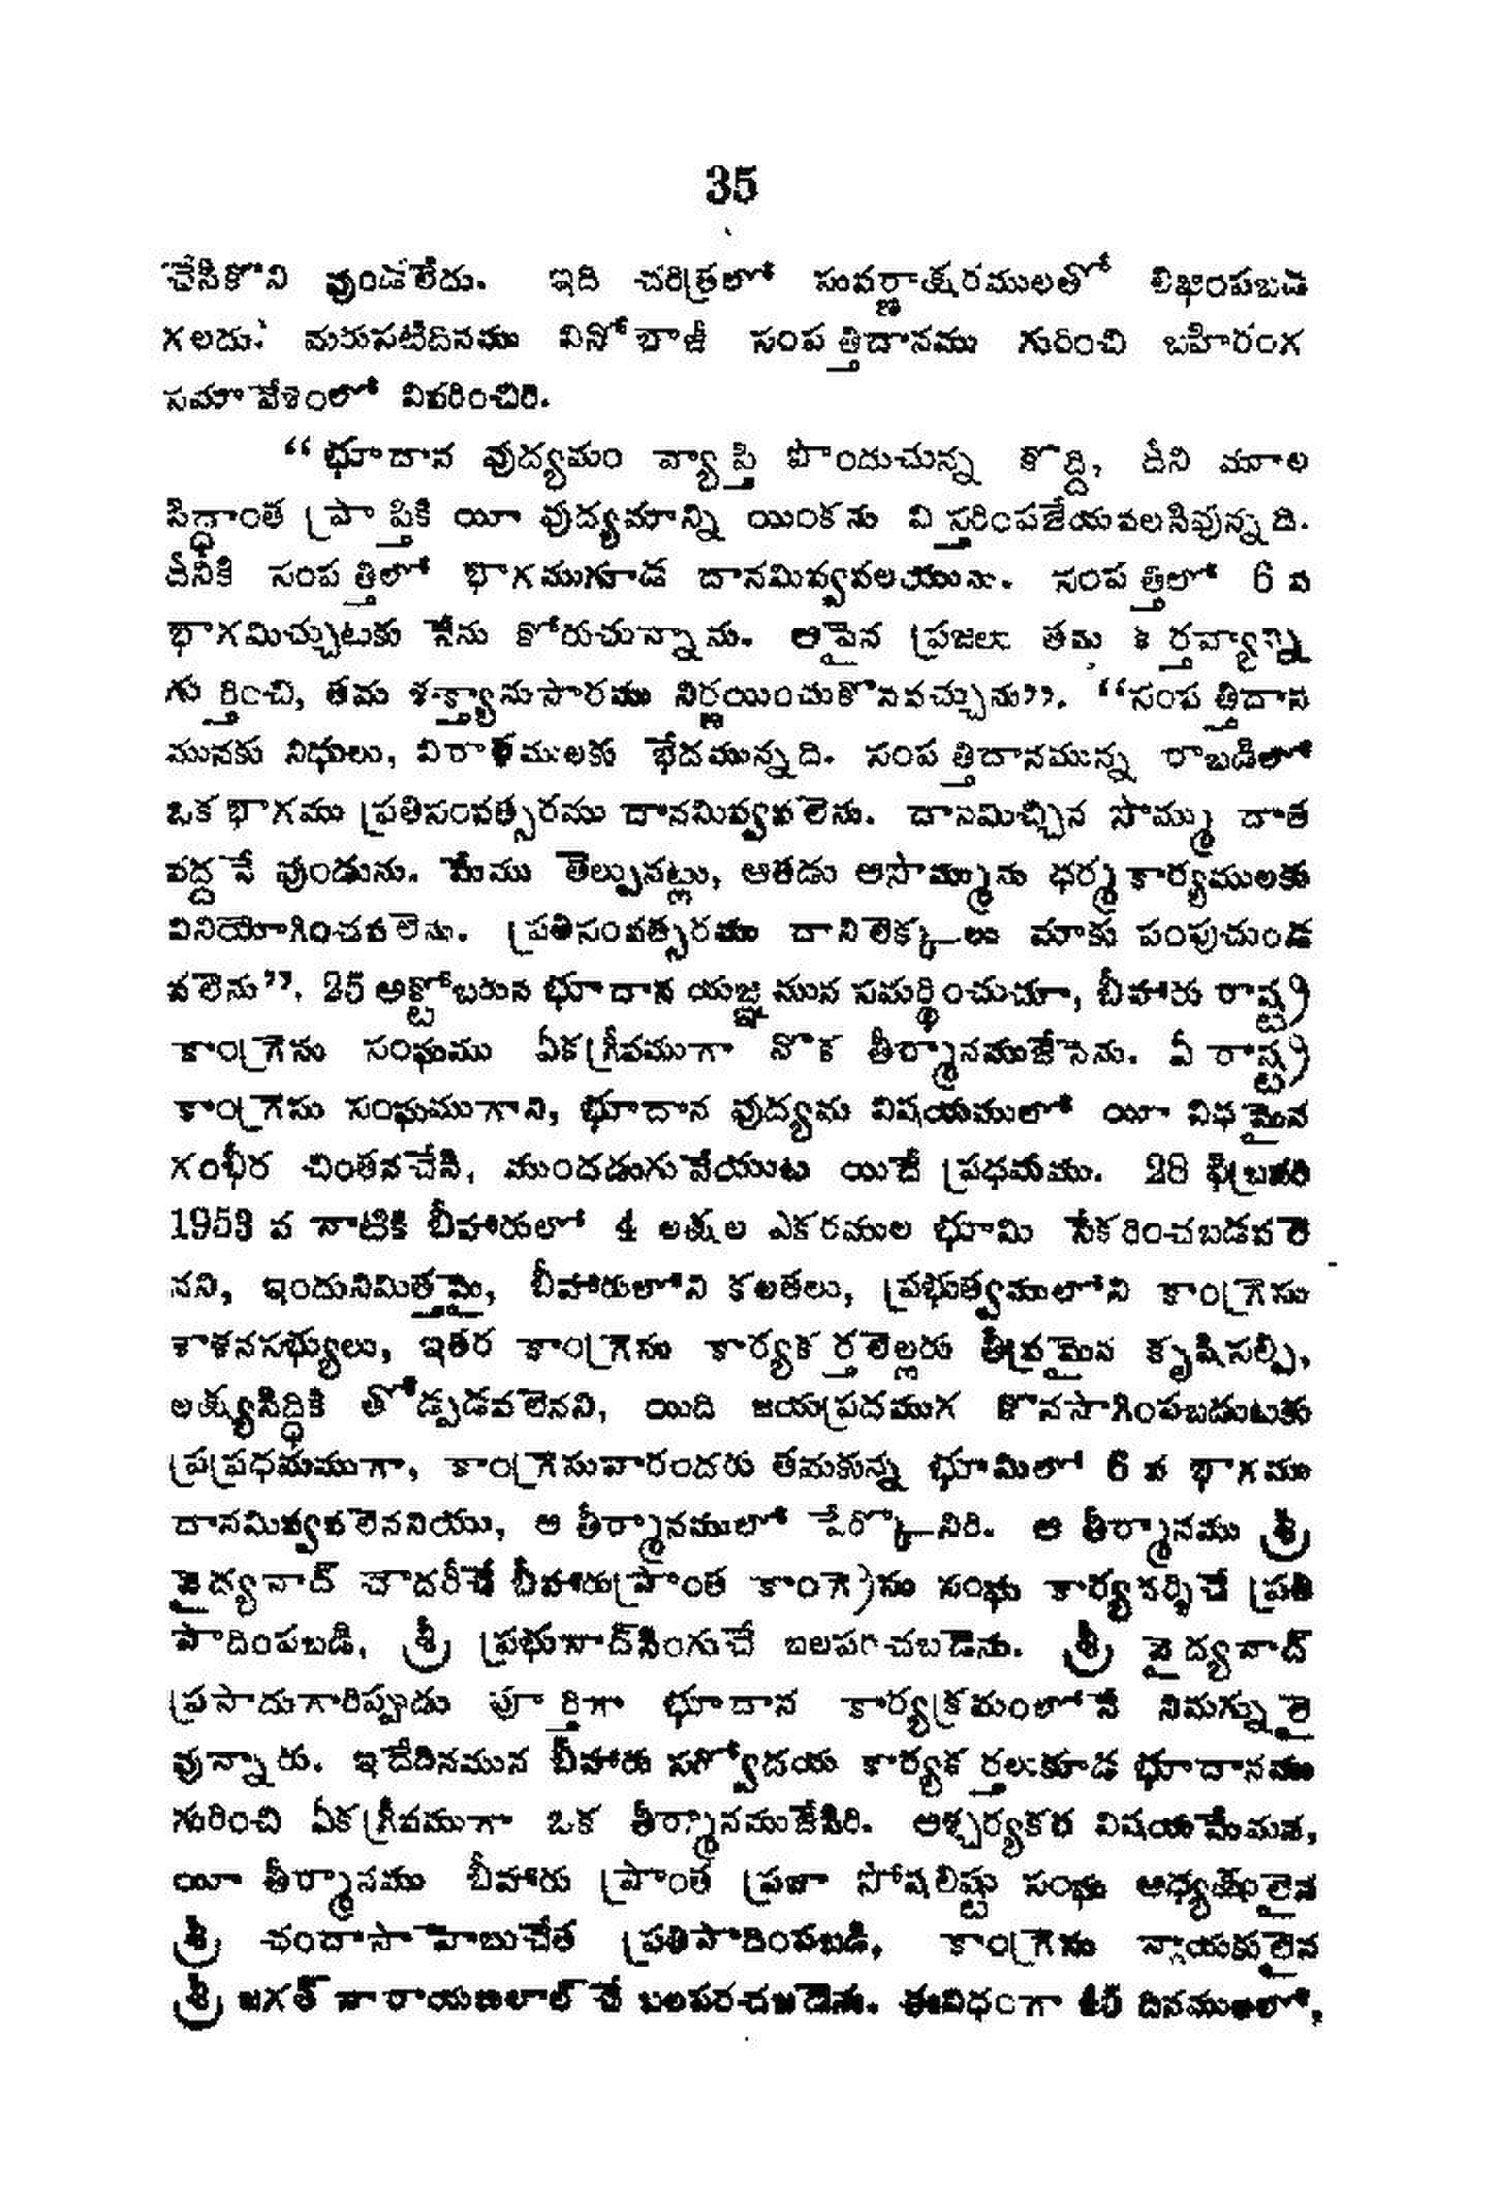చేసికొని వుండలేదు. ఇది చరిత్రలో సువర్ణాక్షరములతో లిఖింపబడ గలదు? మరుసటిదినము వినోబాజీ సంపత్తిదానము గురించి బహిరంగ సమావేశంలో వివరించిరి.

“భూదాన వుద్యమం వ్యాప్తి పొందుచున్న కొద్ది, దీని మూలసిద్ధాంత ప్రాప్తికి యీ వుద్యమాన్ని యింకను విస్తరింపజేయవలసివున్నది. దీనికి సంపత్తిలో భాగముగూడ దానమివ్వవలయును. సంపత్తిలో 6వ భాగమిచ్చుటకు నేను కోరుచున్నాను. ఆపైన ప్రజలు తమ కర్తవ్యాన్ని గుర్తించి, తమ శక్యానుసారము నిర్ణయించుకొనవచ్చును." "సంపత్తిదానమునకు నిధులు, విరాళములకు భేదమున్నది. సంపత్తిదానమున్న రాబడిలో ఒకభాగము ప్రతిసంవత్సరము దానమివ్వవలెను. దానమిచ్చిన సొమ్ము దాత వద్దనే వుండును. మేము తెల్పునట్లు, ఆతడు అసొమ్మును ధర్మకార్యములకు వినియోగించవలెను. ప్రతిసంవత్సరము దానిలెక్కలు మాకు పంపుచుండవలెను". 25 అక్టోబరున భూదాన యజ్ఞ మున సమర్థించుచూ, బీహారు రాష్ట్ర కాంగ్రెసు సంఘము ఏకగ్రీవముగా నొక తీర్మానముజేసెను. ఏ రాష్ట్ర కాంగ్రెసు సంఘముగాని, భూదాన వుద్యమ విషయములో యీ విధమైన గంభీర చింతనచేసి, ముందడుగు వేయుట యిదే ప్రథమము. 28 ఫిబ్రవరి 1953 వ నాటికి బీహారులో 4 లక్షల ఎకరముల భూమి సేకరించబడవలెనని, ఇందునిమిత్తమై, బీహారులోని కలతలు, ప్రభుత్వములోని కాంగ్రెసు శాసనసభ్యులు, ఇతర కాంగ్రెసు కార్యకర్తలెల్లరు తీవ్రమైన కృషిసల్పి, లక్ష్యసిద్ధికి తోడ్పడవలెనని, యిది జయప్రదముగ కొనసాగింపబడుటకు ప్రప్రధమముగా, కాంగ్రెసువారందరు తమకున్న భూమిలో 6వ భాగము దానమివ్వవలెననియు, ఆ తీర్మానములో పేర్కొనిరి. ఆ తీర్మానము. శ్రీ వైద్యనాద్ చౌదరీచే బీహారుప్రాంత కాంగ్రెసు సంఘ కార్యదర్శిచే ప్రతిపాదింపబడి, శ్రీ ప్రభునాద్‌సింగుచే బలపరచబడెను. శ్రీ వైద్యనాద్‌ప్రసాదుగారిప్పుడు పూర్తిగా భూదాన కార్యక్రమంలోనే నిమగ్నులై వున్నారు. ఇదేదినమున బీహారు సర్వోదయ కార్యకర్తలు కూడ భూదానము గురించి ఏకగ్రీవముగా ఒక తీర్మానముజేసిరి. ఆశ్చర్యకర విషయమేమన, యీ తీర్మానము బీహారు ప్రాంత ప్రజా సోషలిష్టు సంఘ అధ్యక్షులైన శ్రీ చందాసాహెబుచేత ప్రతిపాదింపబడి, కాంగ్రెసు నాయకులైన శ్రీ జగత్ నారాయణలాల్ చే బలపరచబడెను. ఈవిధంగా 45 దినములలో,